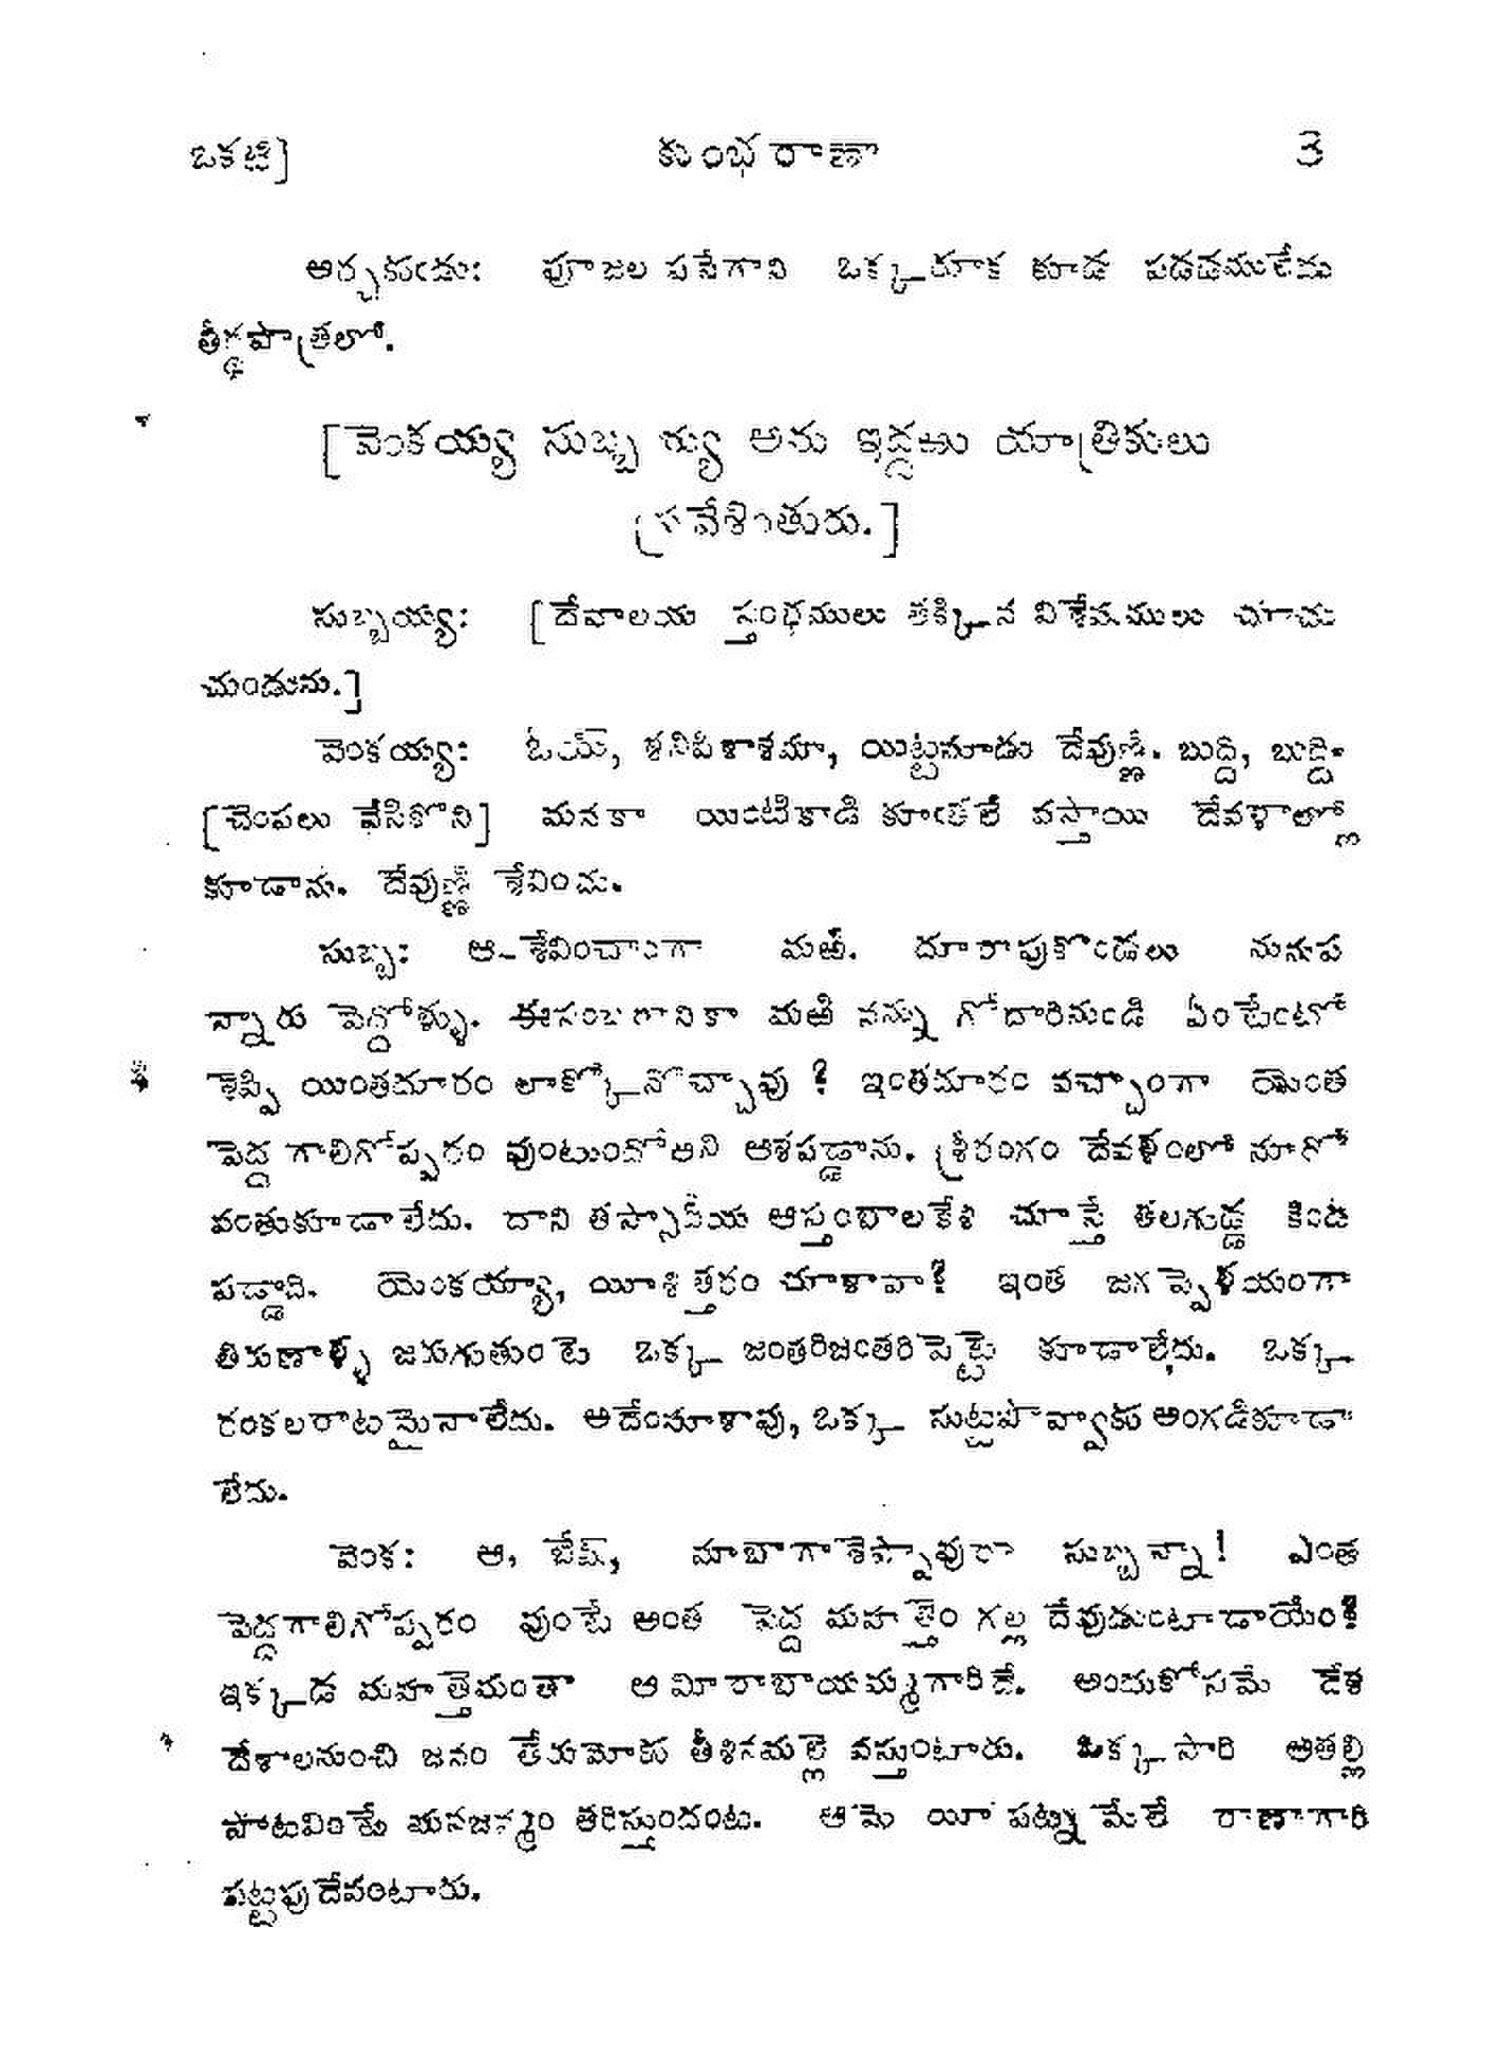అర్చకుఁడు : పూజల పనేగాని ఒక్కరూక కూడ పడడములేదు తీర్థపాత్రలో.

సుబ్బయ్య : [దేవాలయ స్తంభములు తక్కిన విశేషములు చూచుచుండును.]

వెంకయ్య : ఓయ్, శనిపిశాశమా, యిట్టసూడు దేవుణ్ణి. బుద్ది, బుద్ది. [చెంపలు వేసికొని] మనకా యింటికాడి కూఁతలే వస్తాయి దేవళాల్లో కూడాను. దేవుణ్ణి శేవించు.

సుబ్బ : ఆ - శేవించాంగా మఱి. దూరాపుకొండలు నునుపన్నారు పెద్దోళ్ళు. ఈసంబరానికా మఱి నన్ను గోదారినుండి ఏంటేంటో శెప్పి యింతదూరం లాక్కొనొచ్చావు ? ఇంతదూరం వచ్చాంగా యెంత పెద్ద గాలిగోప్పరం వుంటుందో అని ఆశపడ్డాను. శ్రీరంగ దేవళంలో నూరోవంతుకూడాలేదు. దాని తస్సాదీయ ఆస్తంబాలకేశి చూస్తే తలగుడ్డ కింద పడ్డాది. యెంకయ్యా, యీశిత్తరం చూశావా ? ఇంత జగప్పెళయంగా తిరునాళ్ళ జరుగుతుంటె ఒక్క జంతరిజంతరిపెట్టె కూడాలేదు. ఒక్క రంకలరాటమైనాలేదు. అదేంసూశావు, ఒక్క సుట్టపొవ్వాకు అంగడికూడా లేదు.

వెంక : ఆ, బేష్, మాబాగాశెప్పావురా సుబ్బన్నా ! ఎంత పెద్దగాలిగోపురం వుంటే అంత పెద్ద మహత్తెం గల్ల దేవుడుంటాడాయేం? ఇక్కడ మహత్తెమంతా ఆమీరాబాయమ్మగారిదే. అందుకోసమే దేశ దేశాలనుంచి జనం తేరుమోకు తీశినమల్లె వస్తుంటారు. ఒక్కసారి ఆతల్లి పాటవింటే మనజన్మం తరిస్తుందంట. ఆమె యీ పట్న మేలే రాణాగారి పట్టపుదేవంటారు.